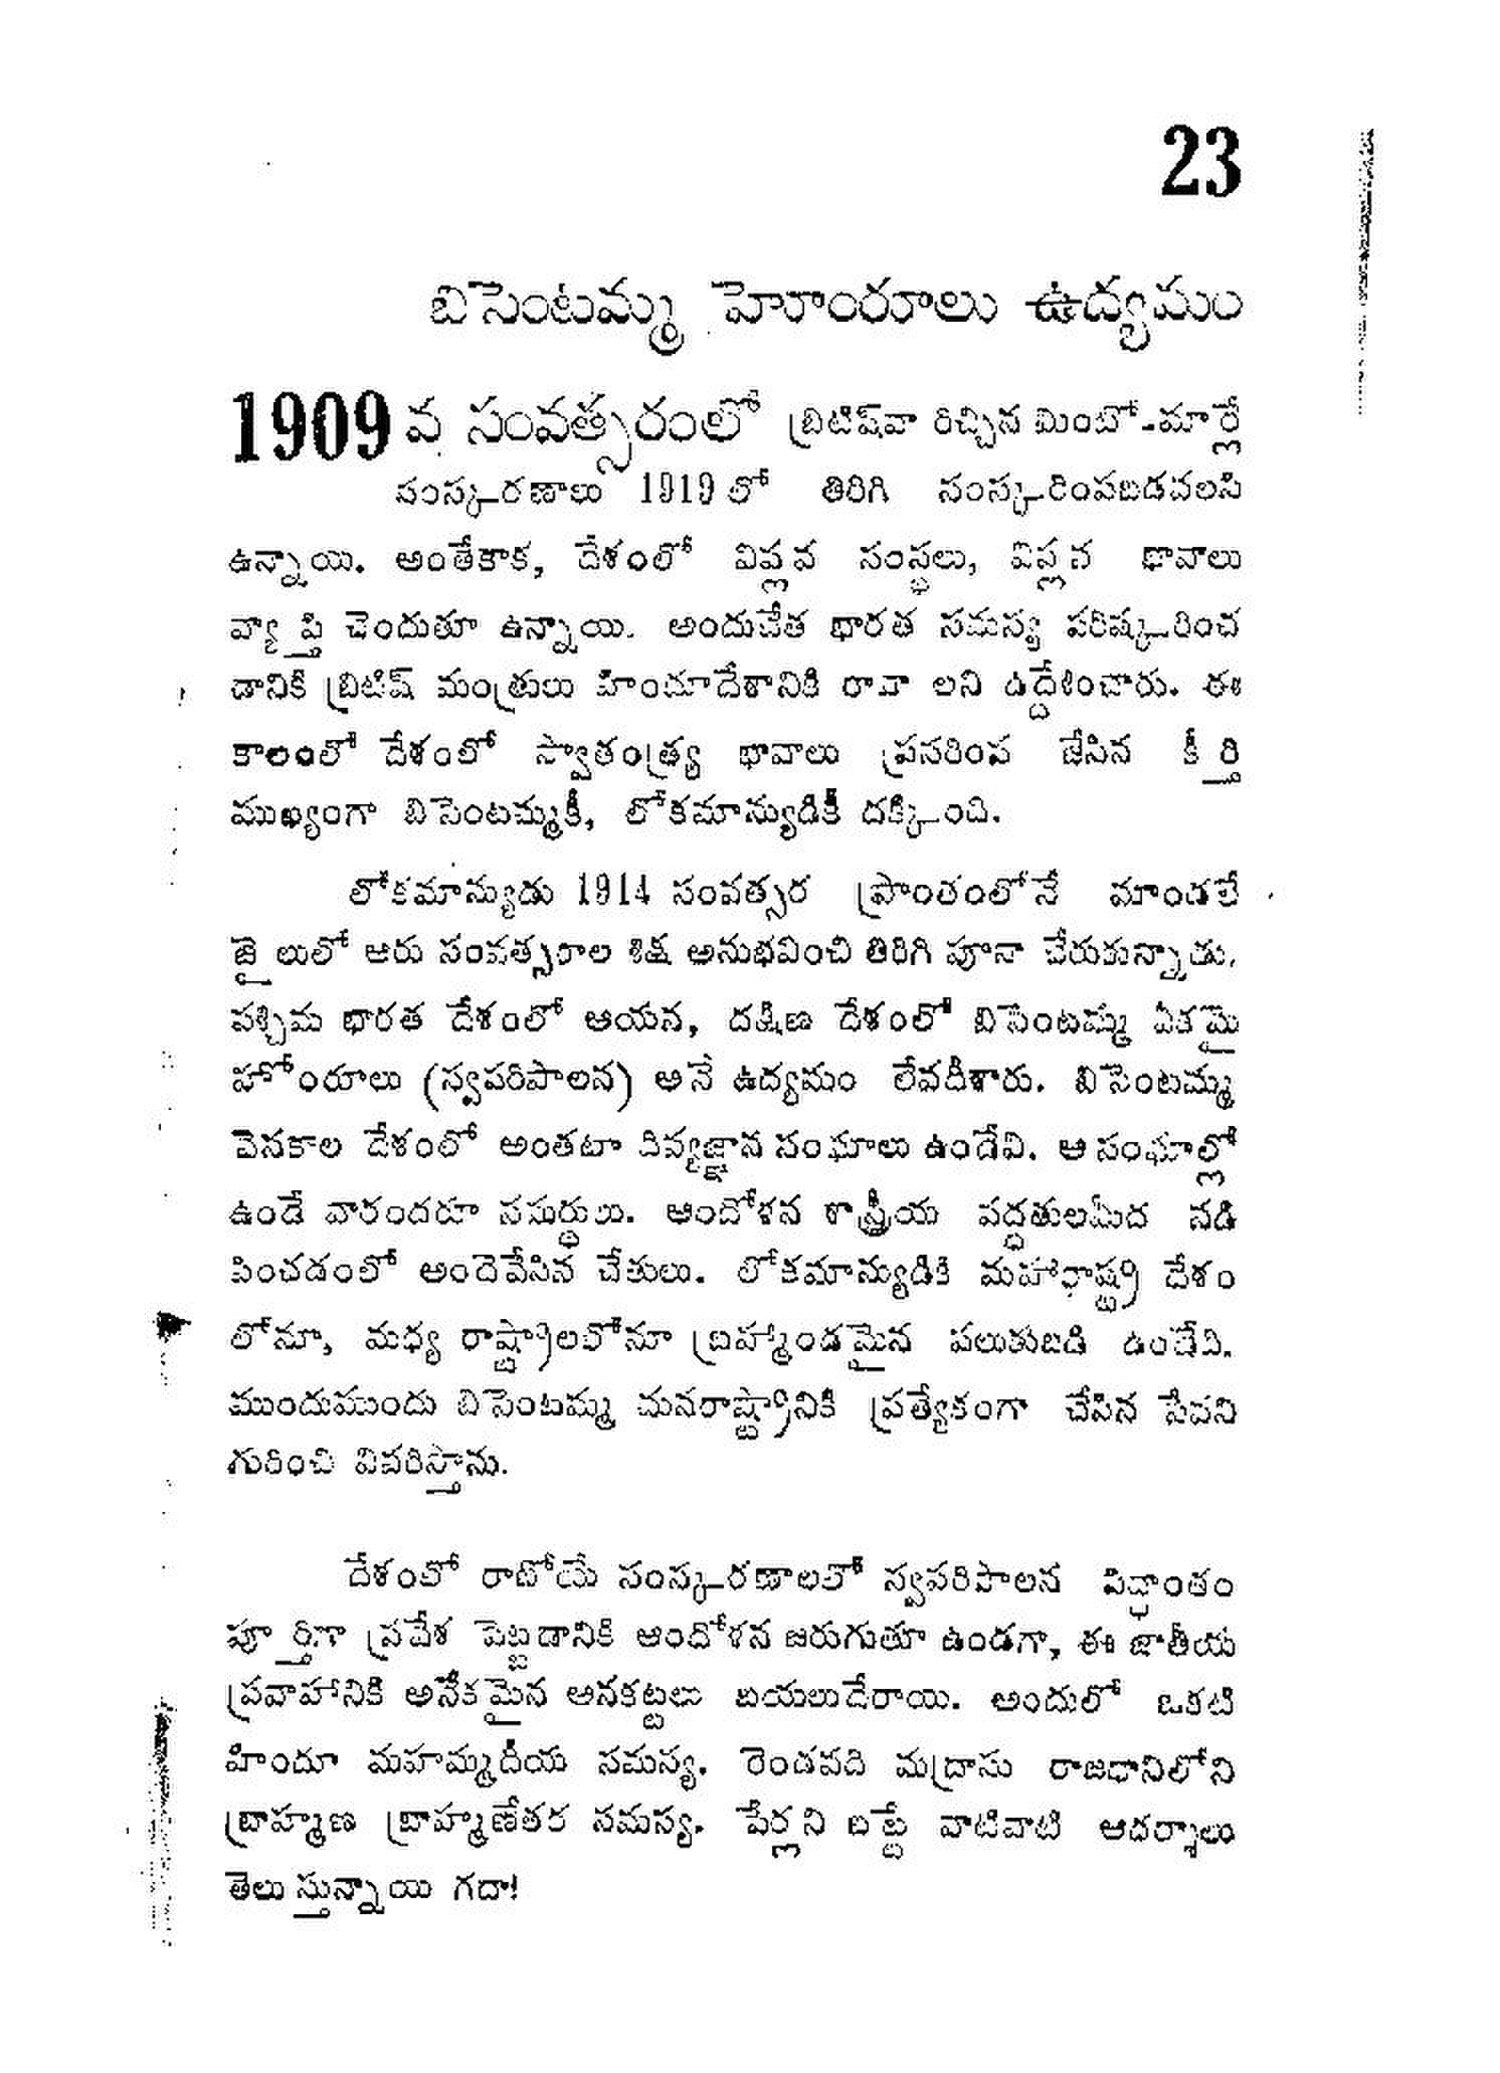1909 వ సంవత్సరంలో బ్రిటిష్‌వా రిచ్చిన మింటో - మార్లే సంస్కరణాలు 1919 లో తిరిగి సంస్కరింపబడవలసి ఉన్నాయి. అంతేకాక, దేశంలో విప్లవ సంస్థలు, విప్లవ భావాలు వ్యాప్తి చెందుతూ ఉన్నాయి. అందుచేత భారత సమస్య పరిష్కరించడానికి బ్రిటిష్ మంత్రులు హిందూదేశానికి రావా లని ఉద్దేశించారు. ఈ కాలంలో దేశంలో స్వాతంత్ర్య భావాలు ప్రసరింప జేసిన కీర్తి ముఖ్యంగా బిసెంటమ్మకీ, లోకమాన్యుడికీ దక్కింది.

లోకమాన్యుడు 1914 సంవత్సర ప్రాంతంలోనే మాండలే జైలులో ఆరు సంవత్సరాల శిక్ష అనుభవించి తిరిగి పూనా చేరుకున్నాడు. పశ్చిమ భారత దేశంలో ఆయన, దక్షిణ దేశంలో బిసెంటమ్మ ఏకమై హోంరూలు (స్వపరిపాలన) అనే ఉద్యమం లేవదీశారు. బిసెంటమ్మ వెనకాల దేశంలో అంతటా దివ్యజ్ఞాన సంఘాలు ఉండేవి. అ సంఘాల్లో ఉండే వారందరూ సమర్ధులు. ఆందోళన శాస్త్రీయ పద్ధతులమీద నడిపించడంలో అందెవేసిన చేతులు. లోకమాన్యుడికి మహారాష్ట్ర దేశంలోనూ, మధ్య రాష్ట్రాలలోనూ బ్రహ్మాండమైన పలుకుబడి ఉండేది. ముందుముందు బిసెంటమ్మ మనరాష్ట్రానికి ప్రత్యేకంగా చేసిన సేవని గురించి వివరిస్తాను.

దేశంలో రాబోయే సంస్కరణాలలో స్వపరిపాలన సిద్ధాంతం పూర్తిగా ప్రవేశ పెట్టడానికి ఆందోళన జరుగుతూ ఉండగా, ఈ జాతీయ ప్రవాహానికి అనేకమైన అనకట్టలు బయలుదేరాయి. అందులో ఒకటి హిందూ మహమ్మదీయ సమస్య. రెండవది మద్రాసు రాజధానిలోని బ్రాహ్మణ బ్రాహ్మణేతర సమస్య. పేర్లని బట్టే వాటివాటి ఆదర్శాలు తెలుస్తున్నాయి గదా!